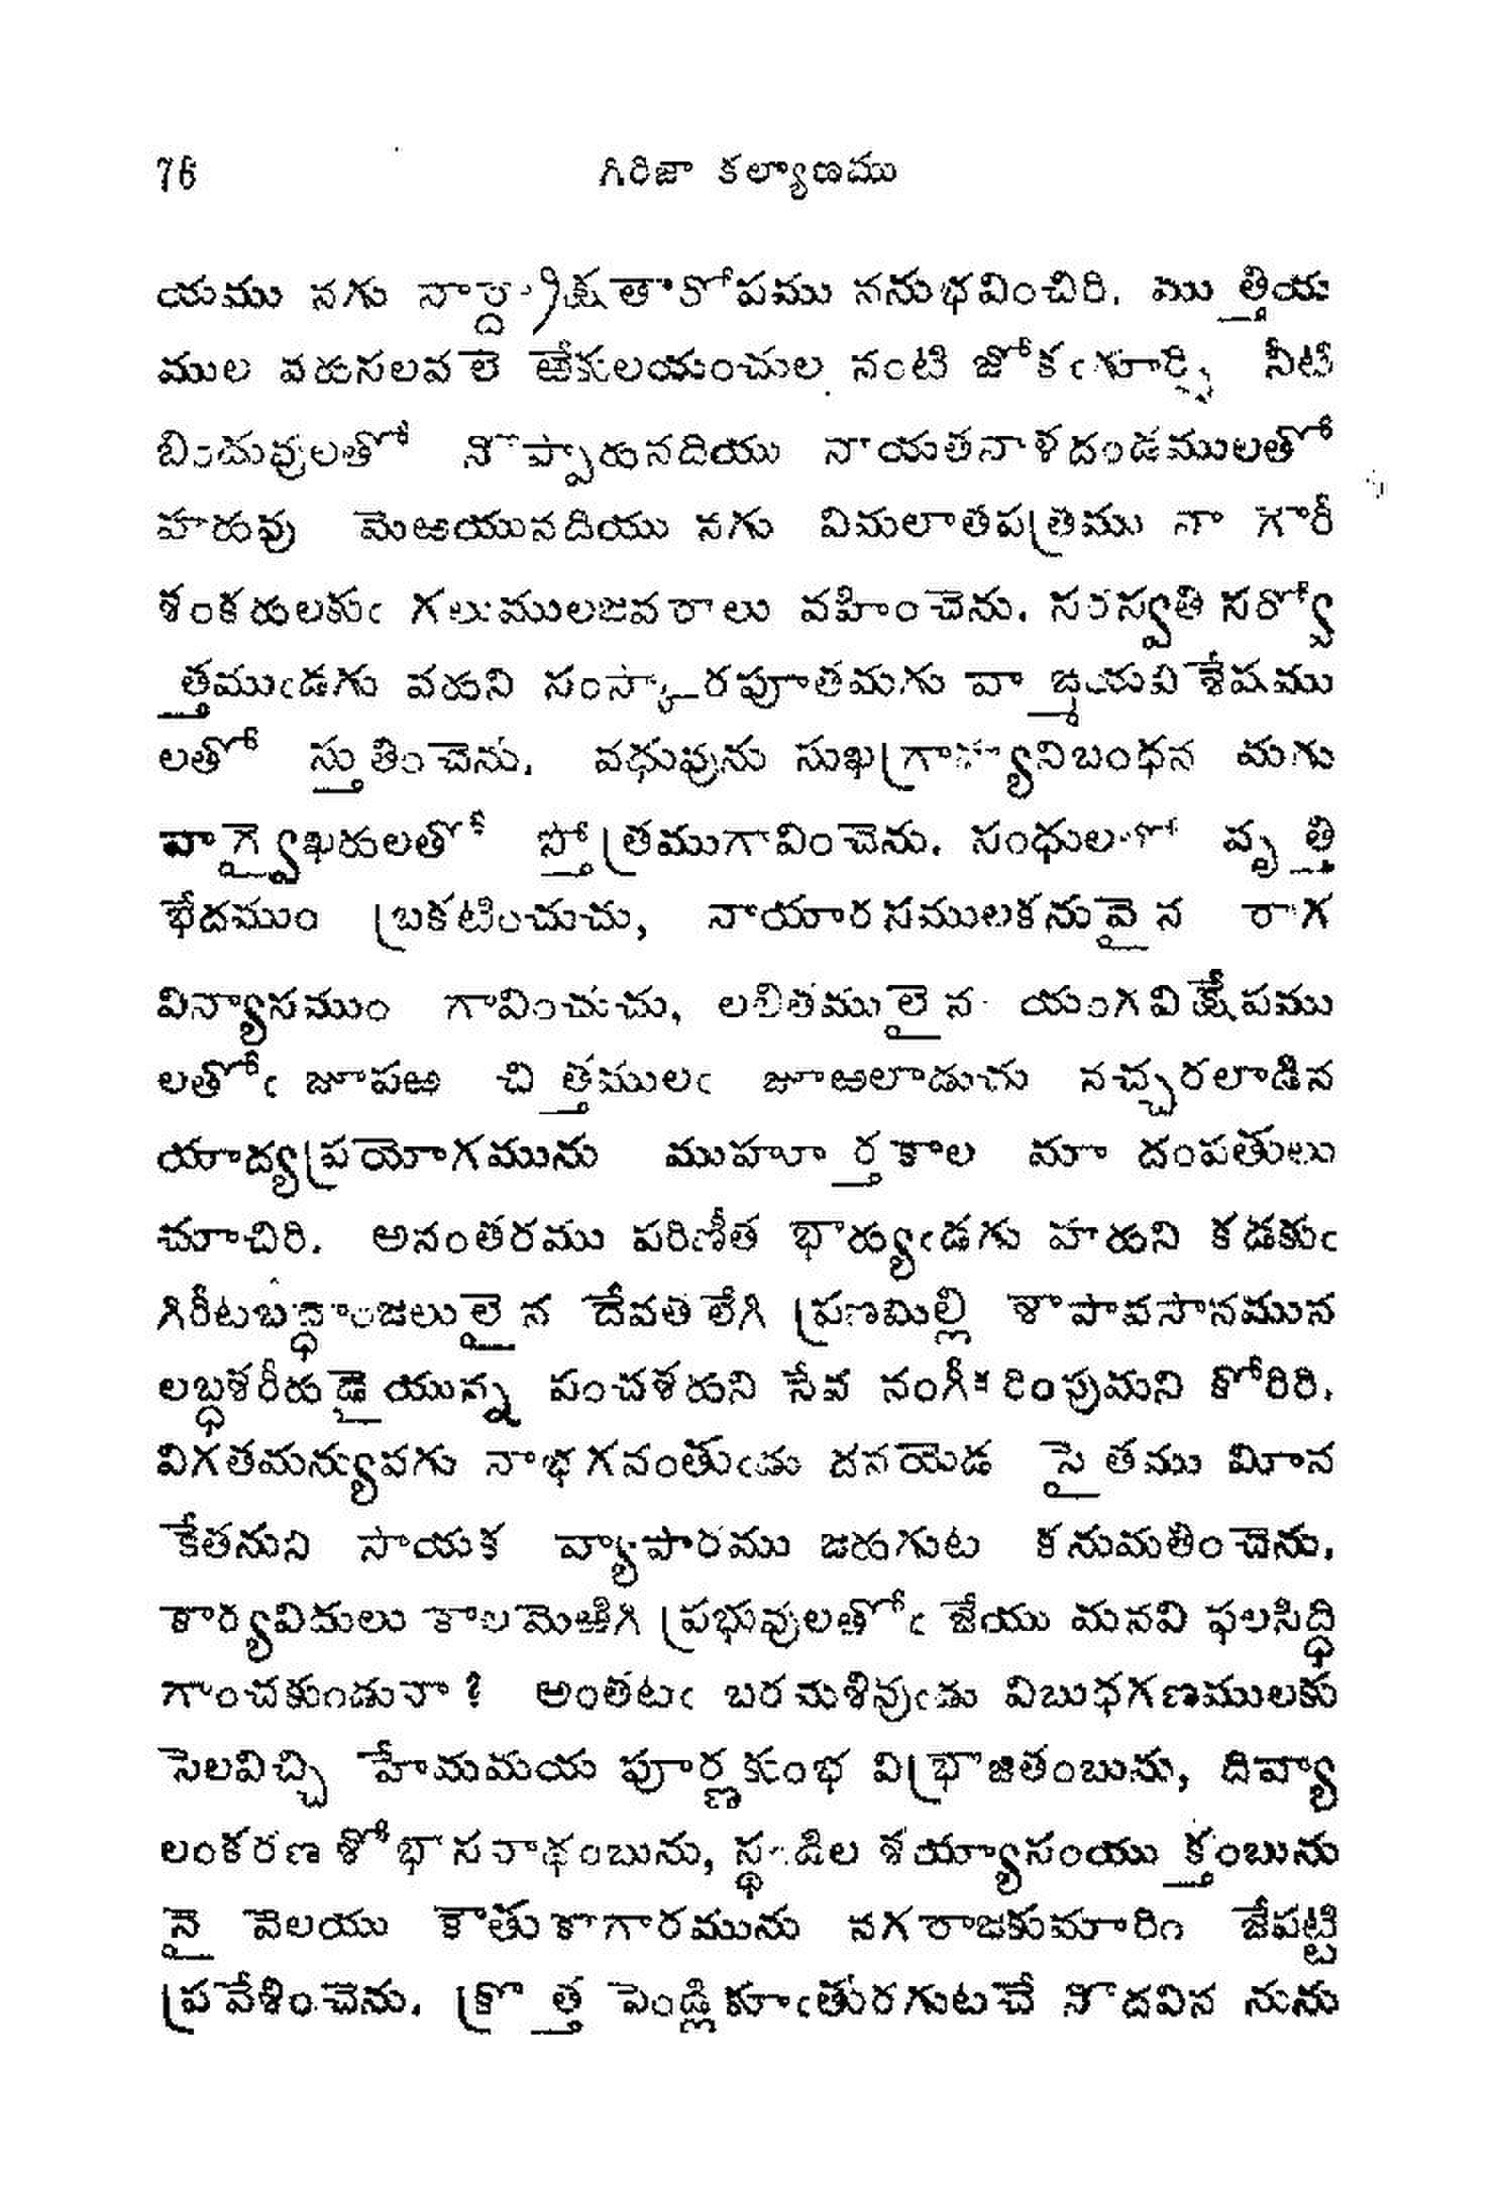యము నగు నార్ద్రాక్షతారోపము ననుభవించిరి, ముత్తియముల వరుసులవలె ఱేకులయంచుల వంటి జోకఁగూర్ని నీటి
బిందువులతో నొప్పారు నదియు నాయతనాళదండములతో హరువు మెఱయునదియు నగు విమలాతపత్రము నా గౌరీ
శంకరులకుఁ గలుముల జవరాలు వహించెను. సరస్వతి సర్వోత్తముఁడగు వరుని సంస్కారపూతమగు వాజ్జయ విశేషము
లతో స్తుతించెను. వధువును సుఖ గ్రాహ్యనిబంధన మగు వాగ్వైఖరులతో స్తోత్రముగావించెను. సంధులలో వృత్తి
భేదముఁ బ్రకటించుచు, నాయారసముల కనువైన రాగ విన్యాసముఁ గావించుచు, లలితములైన యంగవిక్షేపములతోఁ జూపఱ చిత్తములఁ జూఱలాడుచు నచ్చరలాడిన యాద్యప్రయోగమును ముహూర్తకాల మా దంపతులు చూచిరి. అనంతరము పరిణీత భార్యుఁడగు హరుని కడకుఁ గిరీటబద్ధాంజలులైన దేవతలేగి ప్రణమిల్లి శాపావసానమున లబ్ధశరీరుడై యున్న పంచశరుని సేవ నంగీకరింపుమని కోరిరి, విగతమన్యువగు నాభగవంతుఁడు దనయెడ సైతము మీనకేతనుని సాయక వ్యాపారము జరుగుట కనుమతించెను, కార్యవిదులు కాలమెఱిగి ప్రభువులతోఁ జేయు మనవి ఫలసిద్ధి గాంచ కుండునా? అంతటఁ బరమశివుఁడు విబుధగణములకు సెలవిచ్చి హేమమయ పూర్ణకుంభ విభ్రాజితంబును, దివ్యా
లంకరణ శోభాసనాథంబును, స్థండిల శయ్యాసంయుక్తంబును నై వెలయు కౌతుకోగారమును నగరాజకుమారిగా జేపట్టి
ప్రవేశించెను. క్రొత్త పెండ్లి కూఁతురగుటచే నొదవిన నును